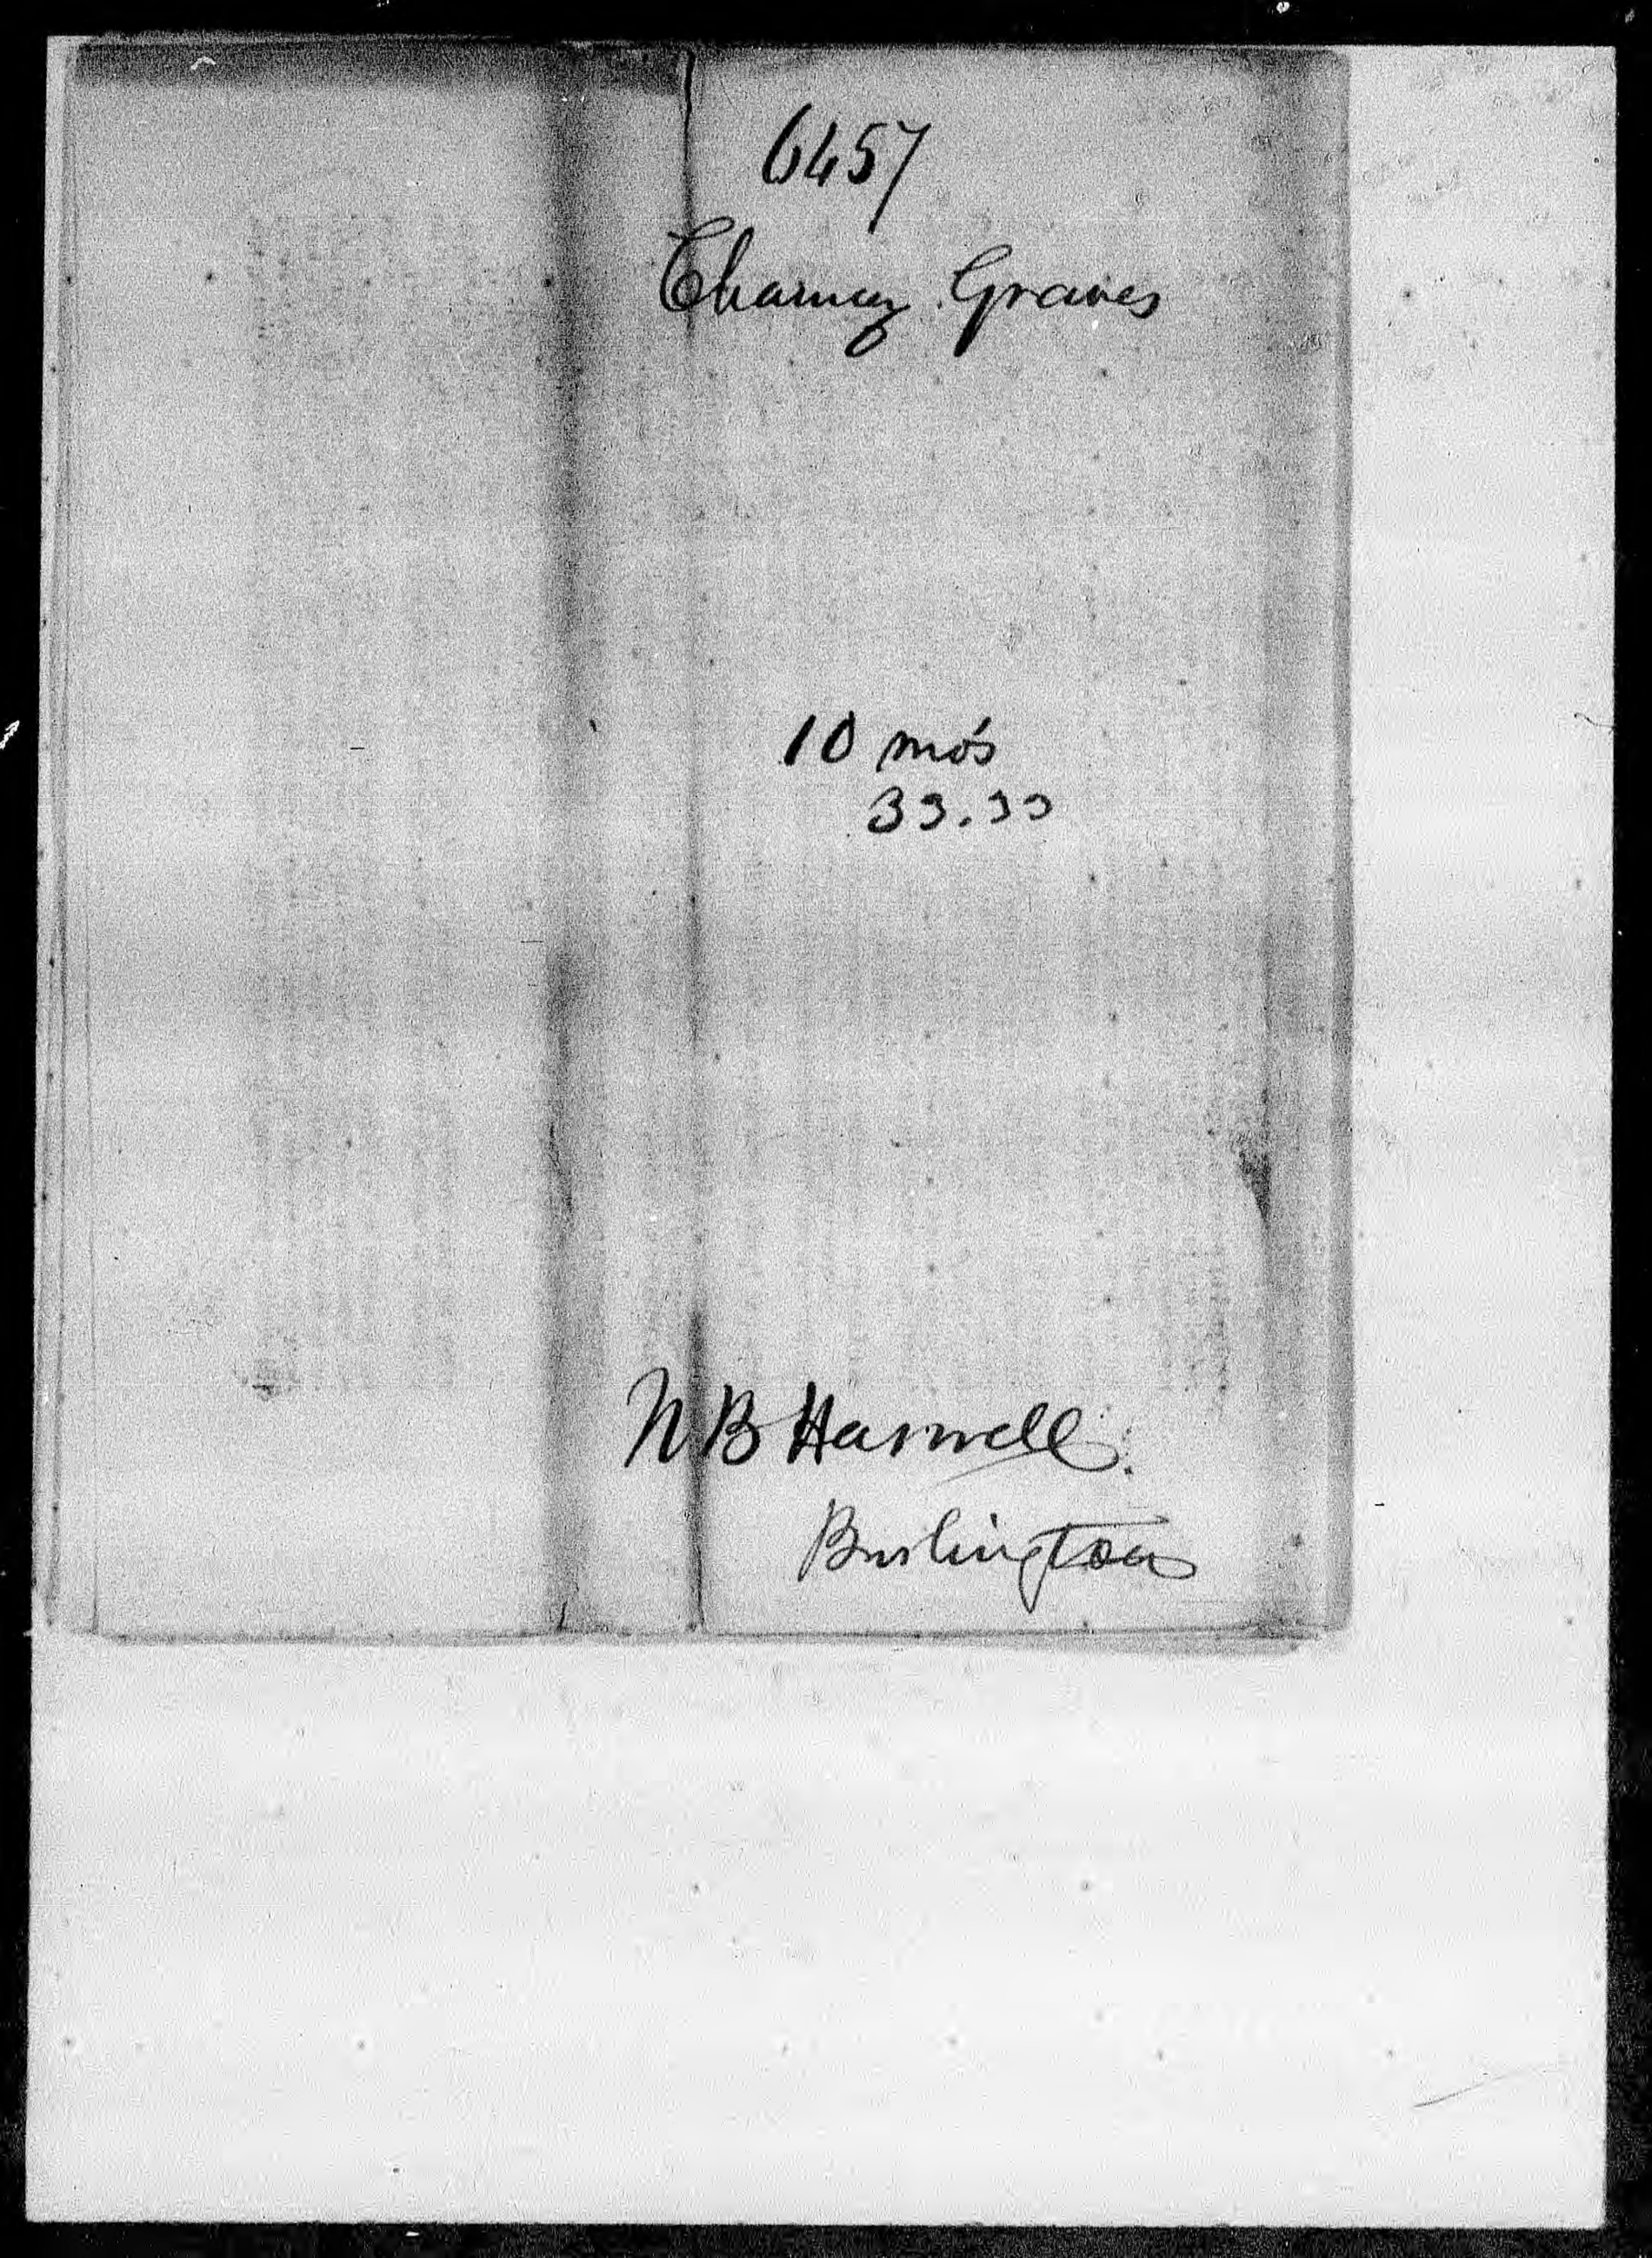6457 
Chauncey Graves

10 mo's
33.33

N B Haswell
Burlington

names: Chauncey Graves, N B Haswell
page: 5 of 24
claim: survivor's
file: S. 15869, Chauncey Graves, Vt.